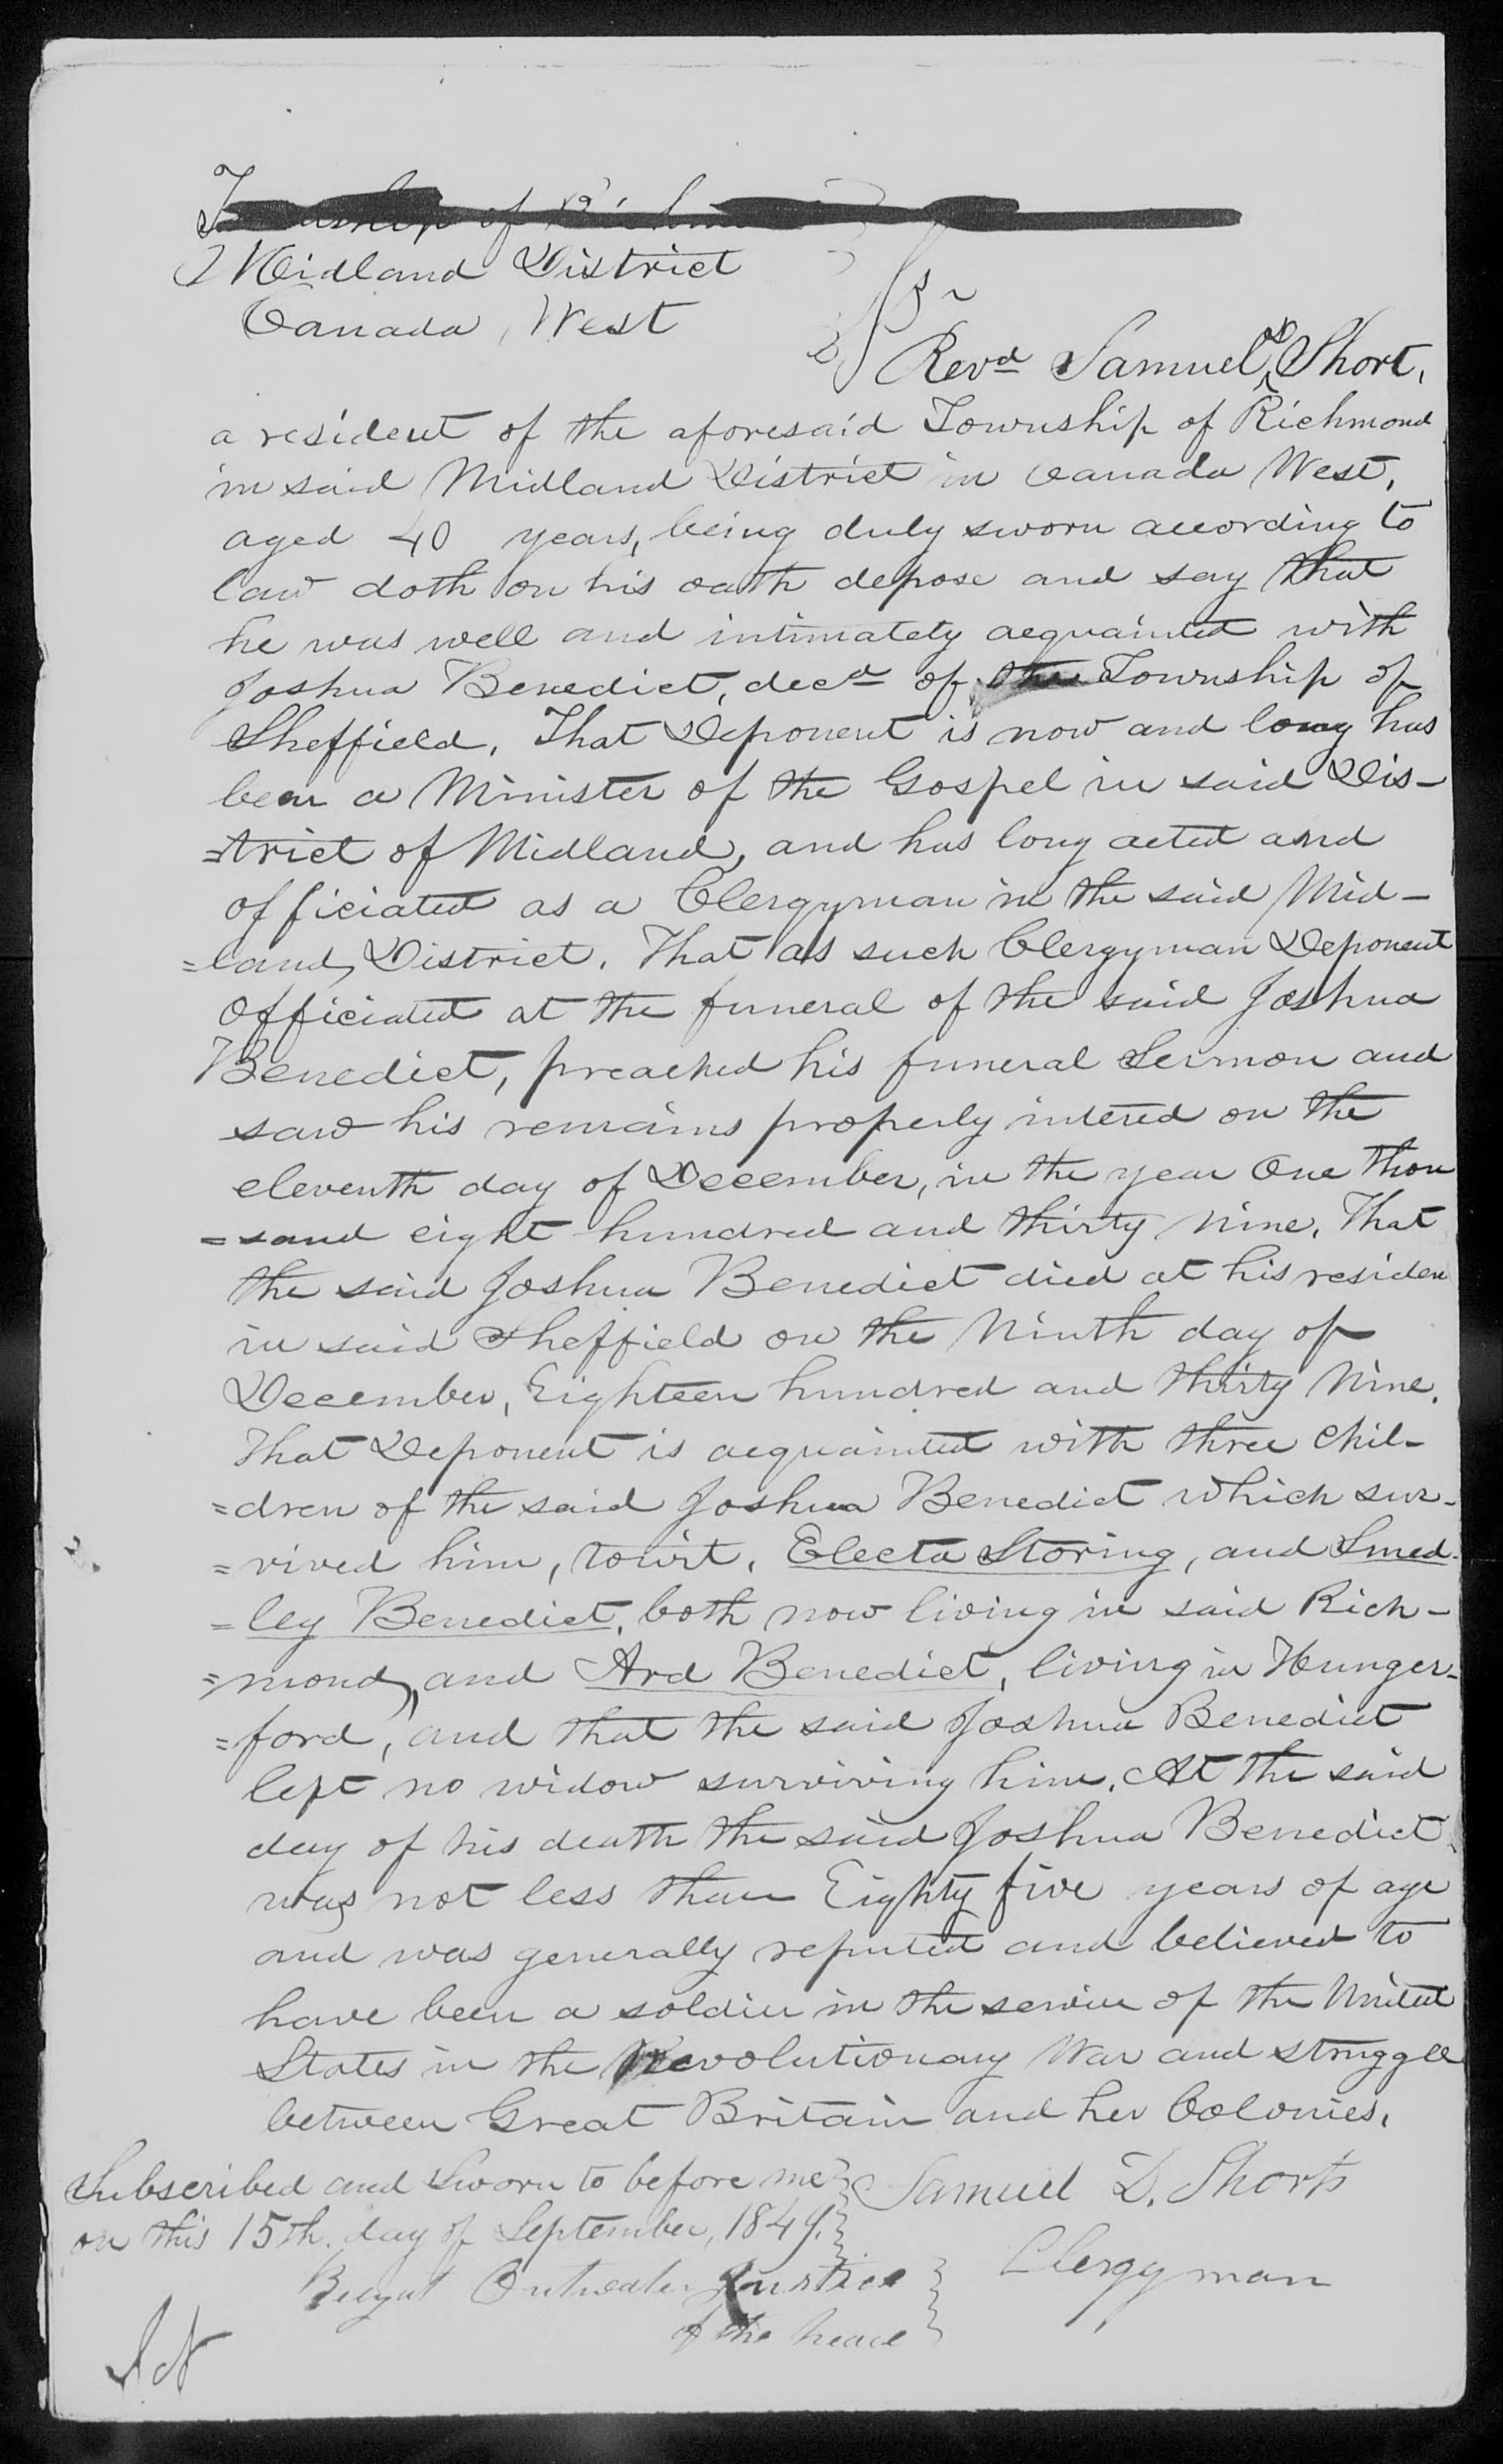Township of Richmond
Midland District
Canada West } Ss~
Revd Samuel D Short a resident of the aforesaid Township of Richmond in said Midland District in Canada West, aged 40 years, being duly sworn according to law doth on his oath depose and say that he was well and intimately acquainted with Joshua Benedict, decd of the Township of Sheffield, That Deponent is now and long has been a Minister of the Gospel in said District of Midland, and has long acted and officiated as a Clergyman in the said Midland District, That as such Clergyman Deponent officiated at the funeral of the said Joshua Benedict, preached his funeral Sermon and saw his remains properly intered [interred] on the eleventh day of December,  in the year One thousand eight hundred and thirty nine, That the said Joshua Benedict died at his residence in said Sheffield on the ninth day of December, Eighteen hundred and thirty nine, That Deponent is acquainted with three children of the said Joshua Benedict which survived him, to wit, Electa Storing, and Smedley Benedict, both now living in said Richmond, and Ard Benedict, living in Hungerford, and that the said Joshua Benedict left no widow surviving him. At the said day of his death the said Joshua Benedict was not less than Eighty five years of age and was generally reputed and believed to have been a soldier in the service of the United States in the Revolutionary War and struggle between Great Britain and her Colonies.
Samuel D. Short
Clergyman

Subscribed and Sworn to before me on this 15th day of September, 1849.
Belyat Outwater Justice of the peace

[illegible]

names: Joshua Benedict, Joshua Benedict, Joshua Benedict, Joshua Benedict, Belyat Outwater, Electa Storing, Samuel D Short, Samuel D Short, Smedley Benedict, Joshua Benedict, Ard Benedict, Joshua Benedict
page: 37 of 106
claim: survivor's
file: S 23,116., Joshua Benedict, Conn.